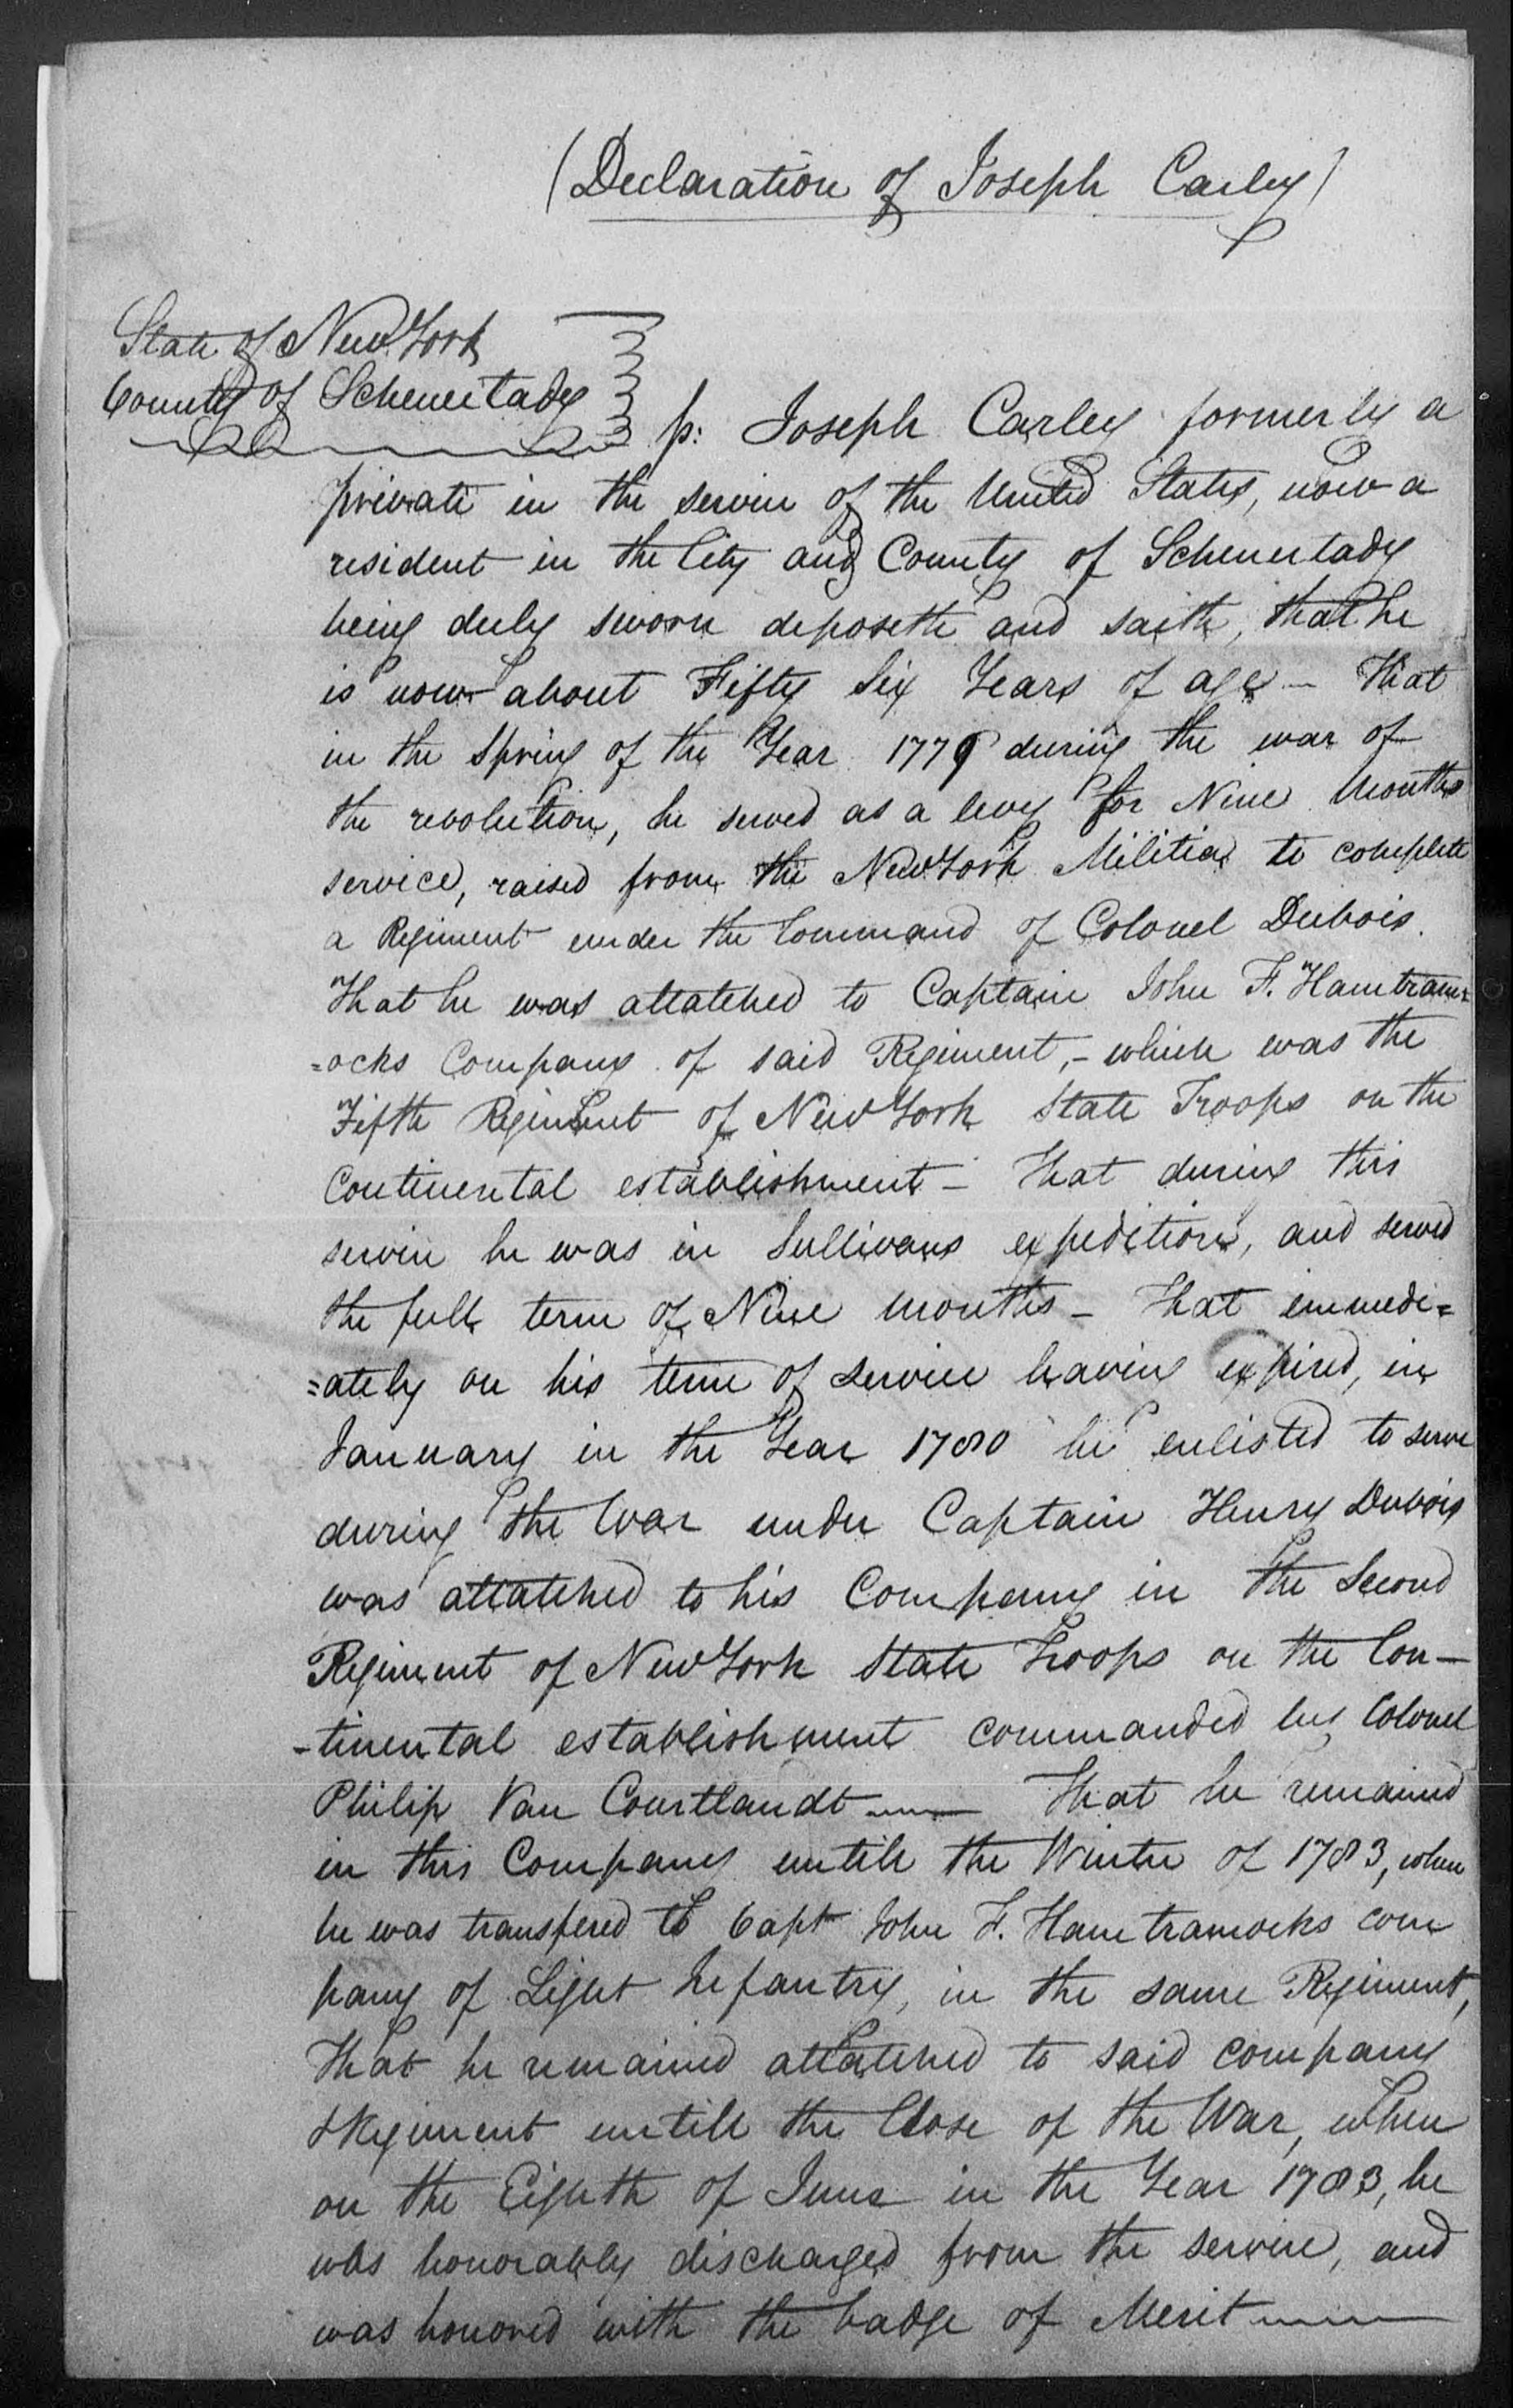Declaration of Joseph Carley

State of New York
County of Schenectady

Joseph Carley formerly a private in the service of the  United States, now a resident in the City and County of Schenectady being duly sworn deposeth and saith that he is now about fifty six years of age - That in the Spring of the year 1779 during the war of the revolution, he served as a levy for nine months service, raised from the New York Militia to complete a Regiment under the Command of Colonel Dubois.  That he was attached to Captain John F. Hautramocks Company of said Regiment, which was the  Fifth Regiment of New York State Troops on the Continental establishment - That during this service he was in Sullivan's expedition and served the full term of nine months.  That immediately on his term of service having expired, in January in the year 1780 he enlisted to serve during the war under Captain Henry Dubois was attached to his Company in the Second Regiment of New York State Troops on the Continental establishment commanded by Philip Van Courtlandt - That he remained in this company until the winter of 1783, when he was transferred to Capt. John  F. Hautramocks company of Light Infantry, in the same Regiment.  That he remained attached to said company and Regiment until the close of the War, when on the Eighty of June in the year 1783, he was honorably discharged from the service, and was honored with the Badge of Merit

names: Joseph Carley, Henry Dubois, Dubois, Joseph Carley, Philip Van Courtlandt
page: 4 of 16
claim: survivor's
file: S. 44371, Joseph Carley, New York.